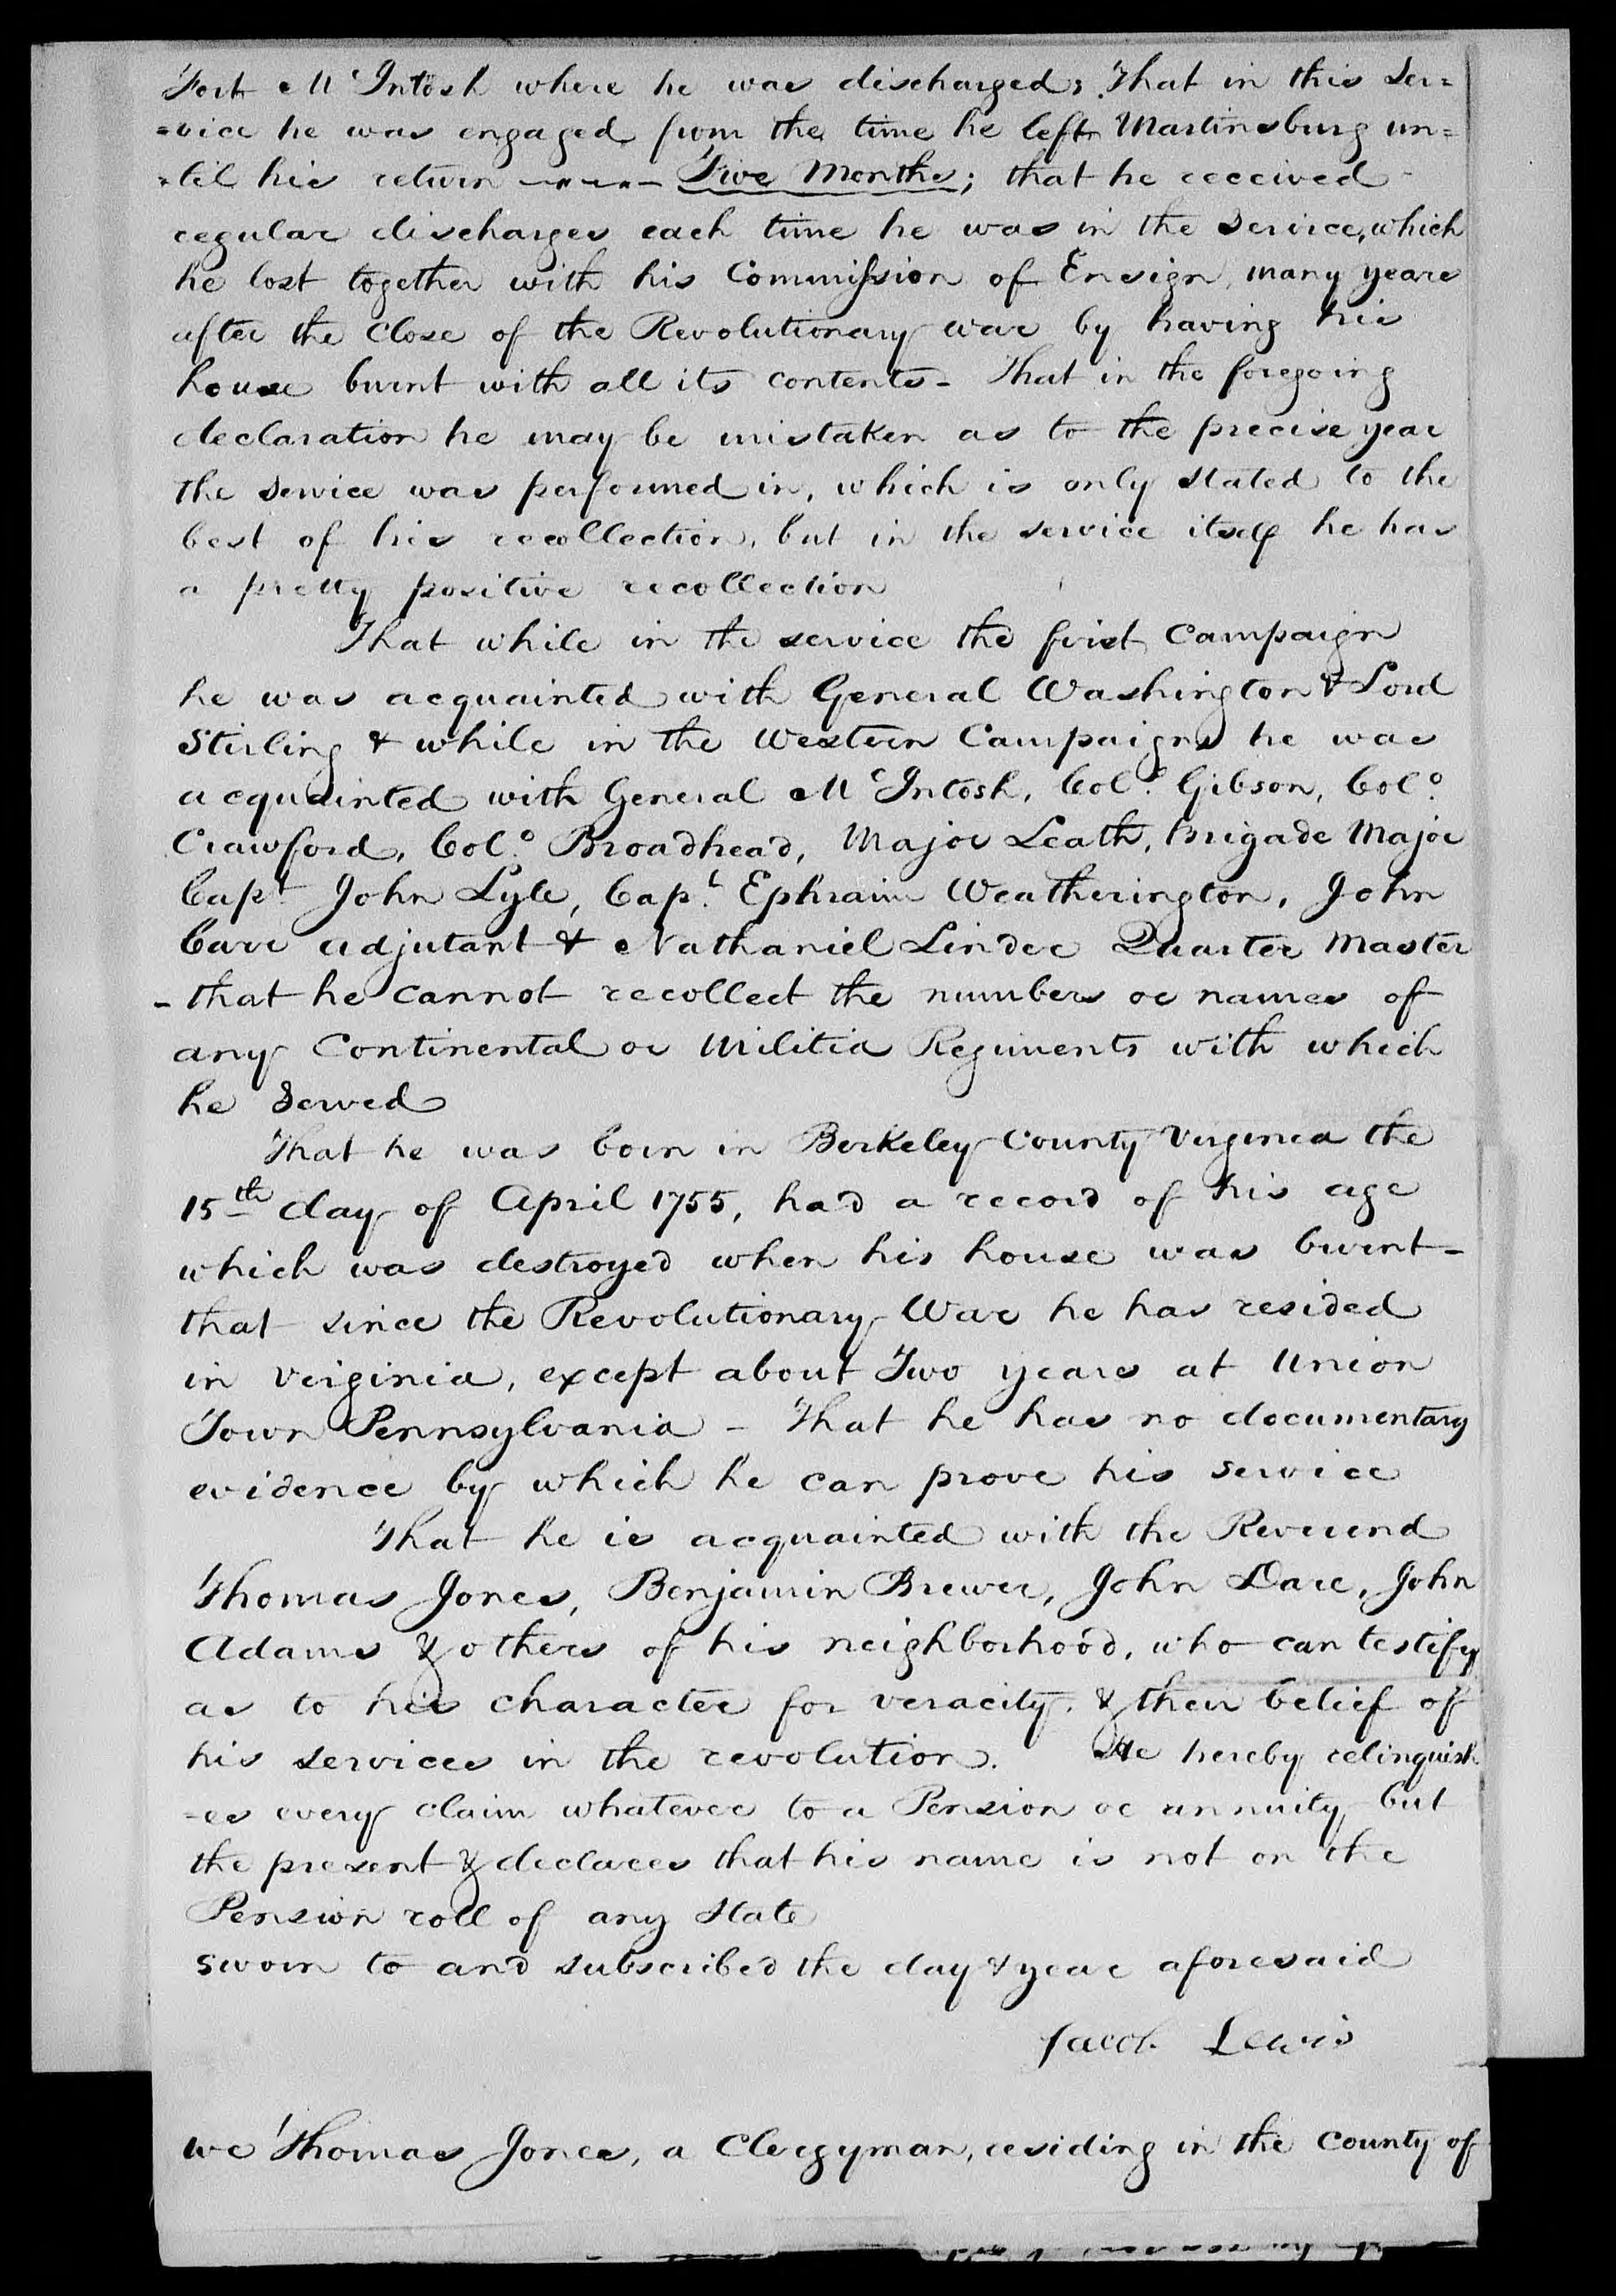Fort McIntosh where he was discharged, That in this Service he was engaged from the time he left Martinsburg until his return ~ ~ ~ Five Months; that he received regular discharges each time he was in the service, which he lost together with his Commission of Ensign, many years after the close of the Revolutionary War by having his house burnt with all its contents.  That in the foregoing declaration he may be mistaken as to the precise year the service was performed in, which is only stated to the best of his recollection, but in the service itself he has a pretty positive recollection
That while in the service the first Campaign he was acquainted with General Washington & Lord Stirling & while in the Western Campaigns he was acquainted with General McIntosh, Colonel. Gibson, Colonel. Crawford, Colonel. Broadhead, Major Leath, Brigade Major Capt. John Lyle, Capt. Ephraim Weatherington, John Cave Adjutant & Nathaniel Linder Quarter Master.  That he cannot recollect the numbers or names of any Continental or Militia Regiments with which he served
That he was born in Berkeley County Virginia the 15th day of April 1755, had a record of his age which was destroyed when his house was burnt.  That since the Revolutionary War he has resided in Virginia, except about Two years at Union Town Pennsylvania.  That he has no documentary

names: [BLANK] Gibson; Nathaniel Linder; [BLANK] Broadhead; [BLANK] Mc Intosh; [BLANK] Leath; Benjamin Brewer; [BLANK] Washington; John Dare; [BLANK] Crawford; Jacob Lewis; Ephraim Weatherington; John Carr; Thomas Jones; John Lyle; John Adams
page: 10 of 69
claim: widow's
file: W 8044, for Jacob Lewis, Virginia